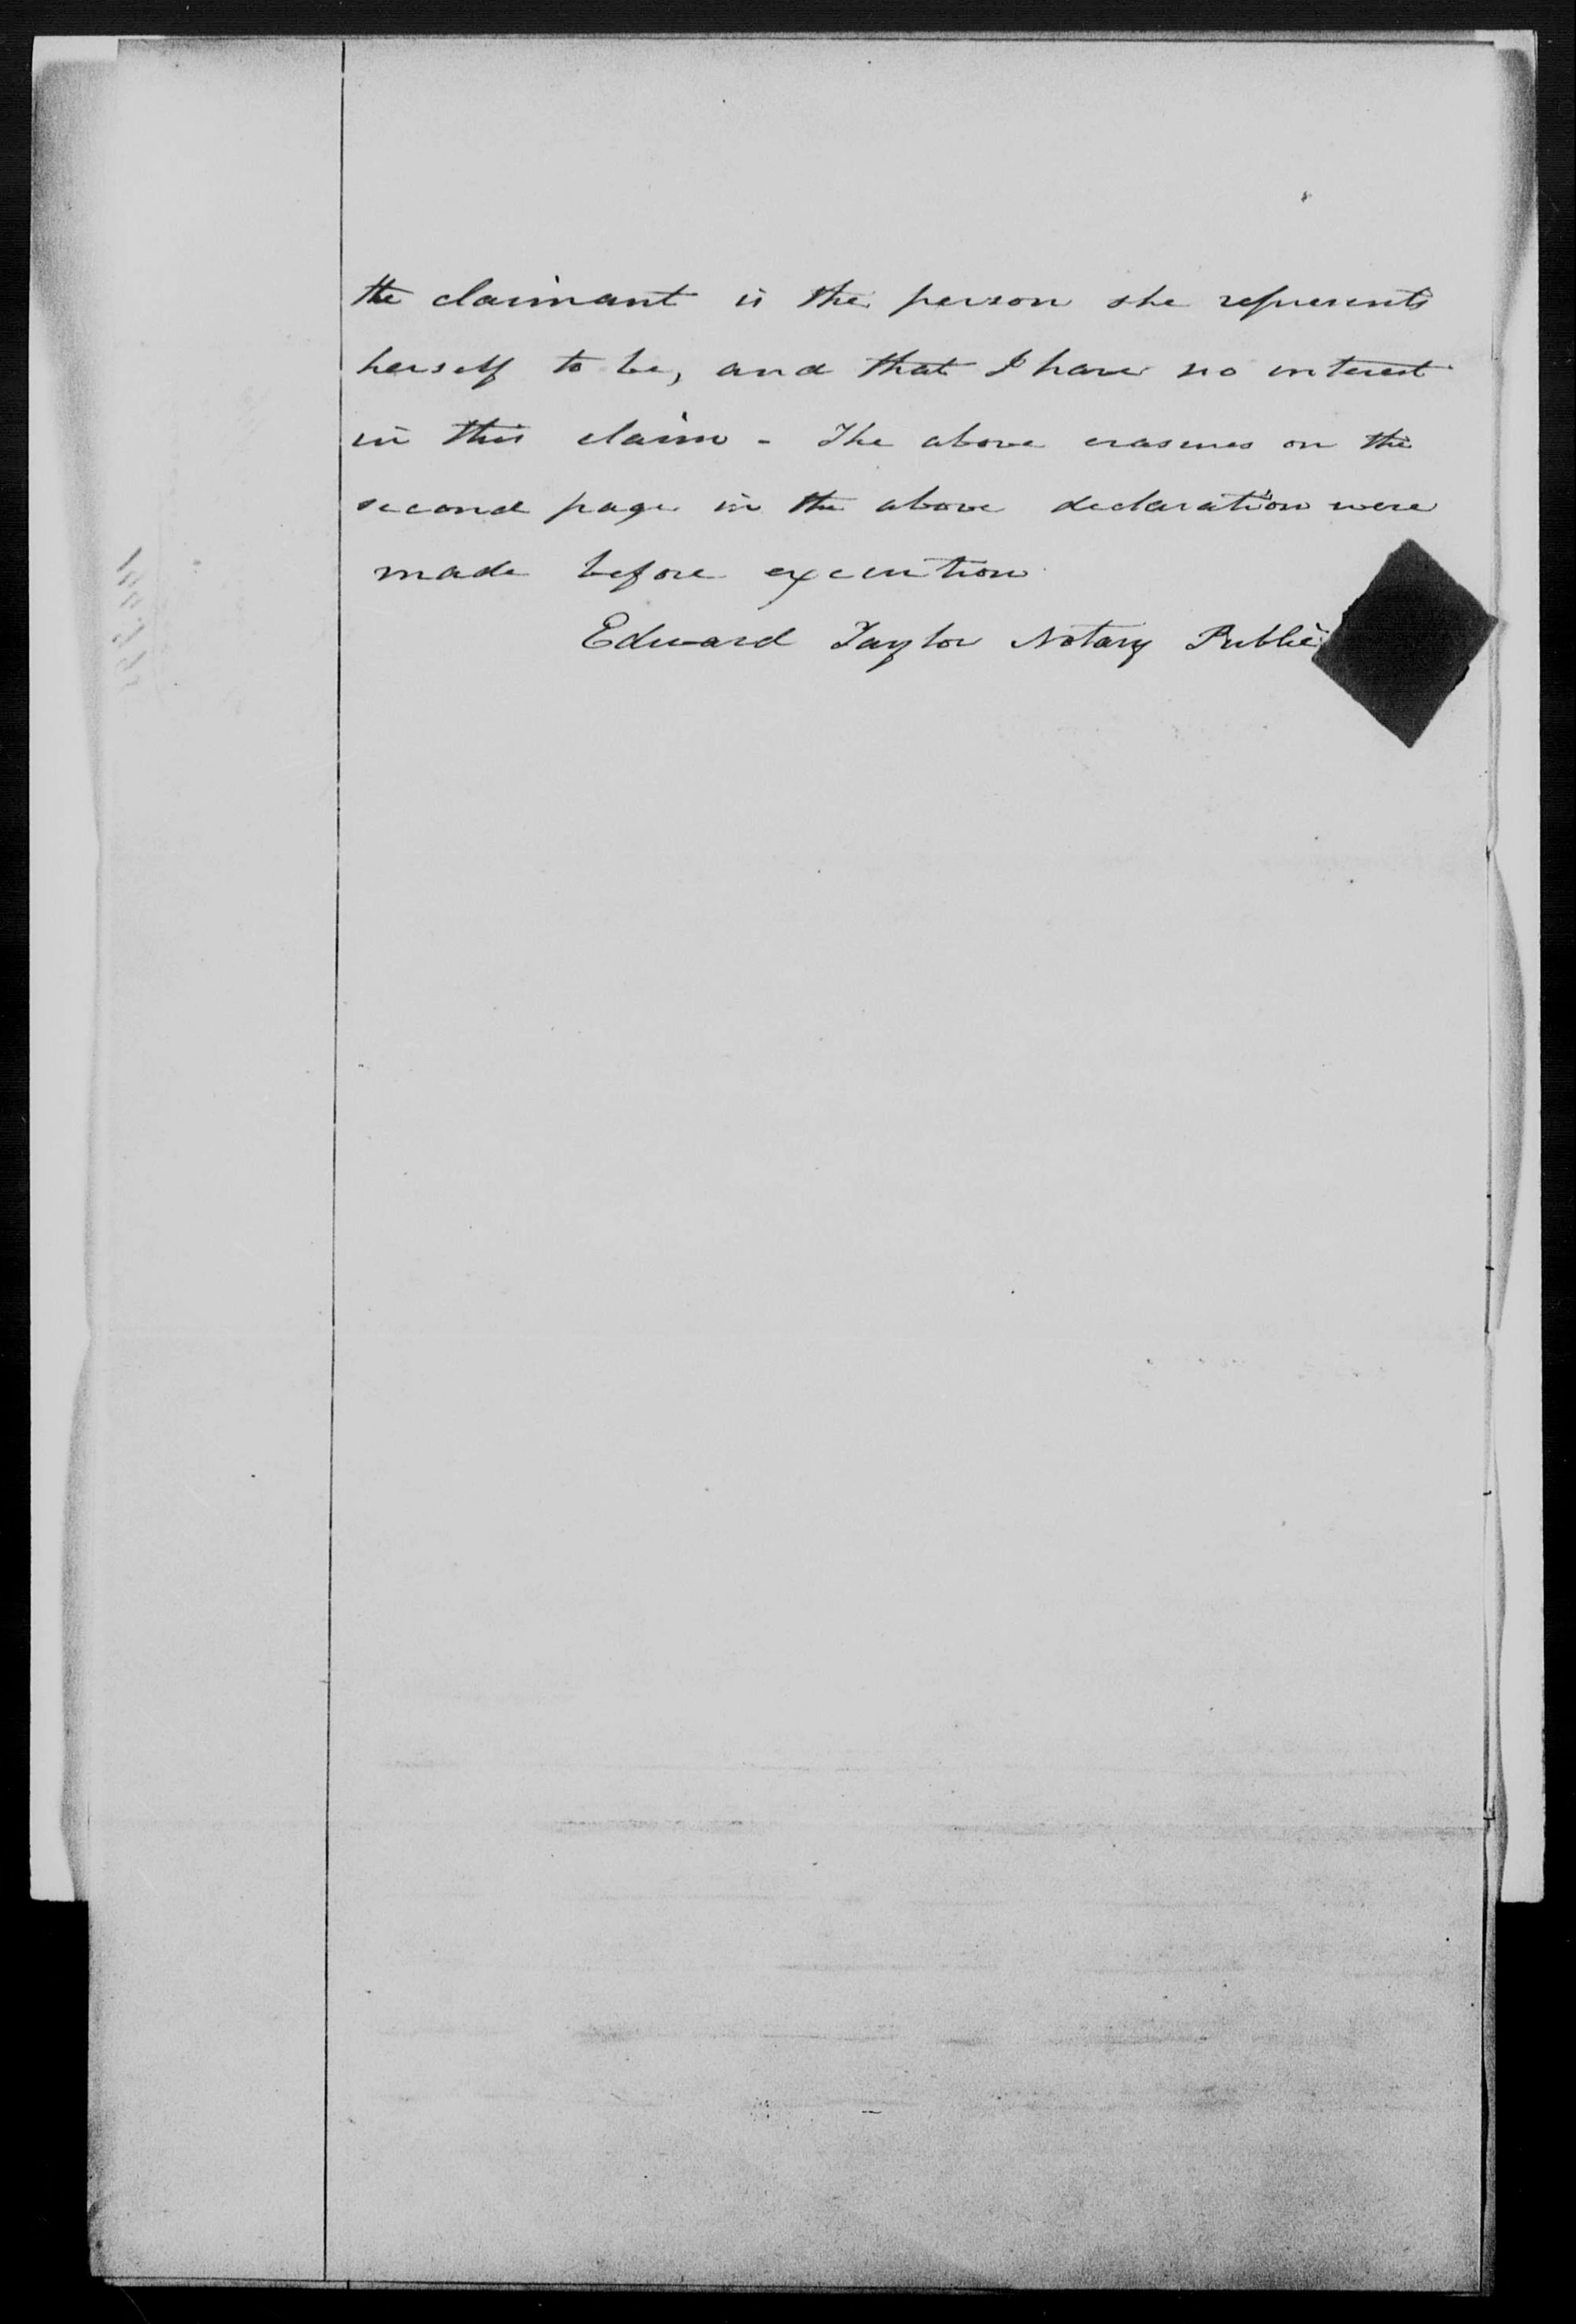the claimant is the person she represents herself to be, and that I have no interest in this claim. The above erasures on the second page in the above declaration were made before execution
Edward Taylor Notary Public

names: Edward Taylor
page: 28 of 39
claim: widow's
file: W. 2,056, Squire Ambler, Continental (Sol. Res. In N.Y. & Conn.)